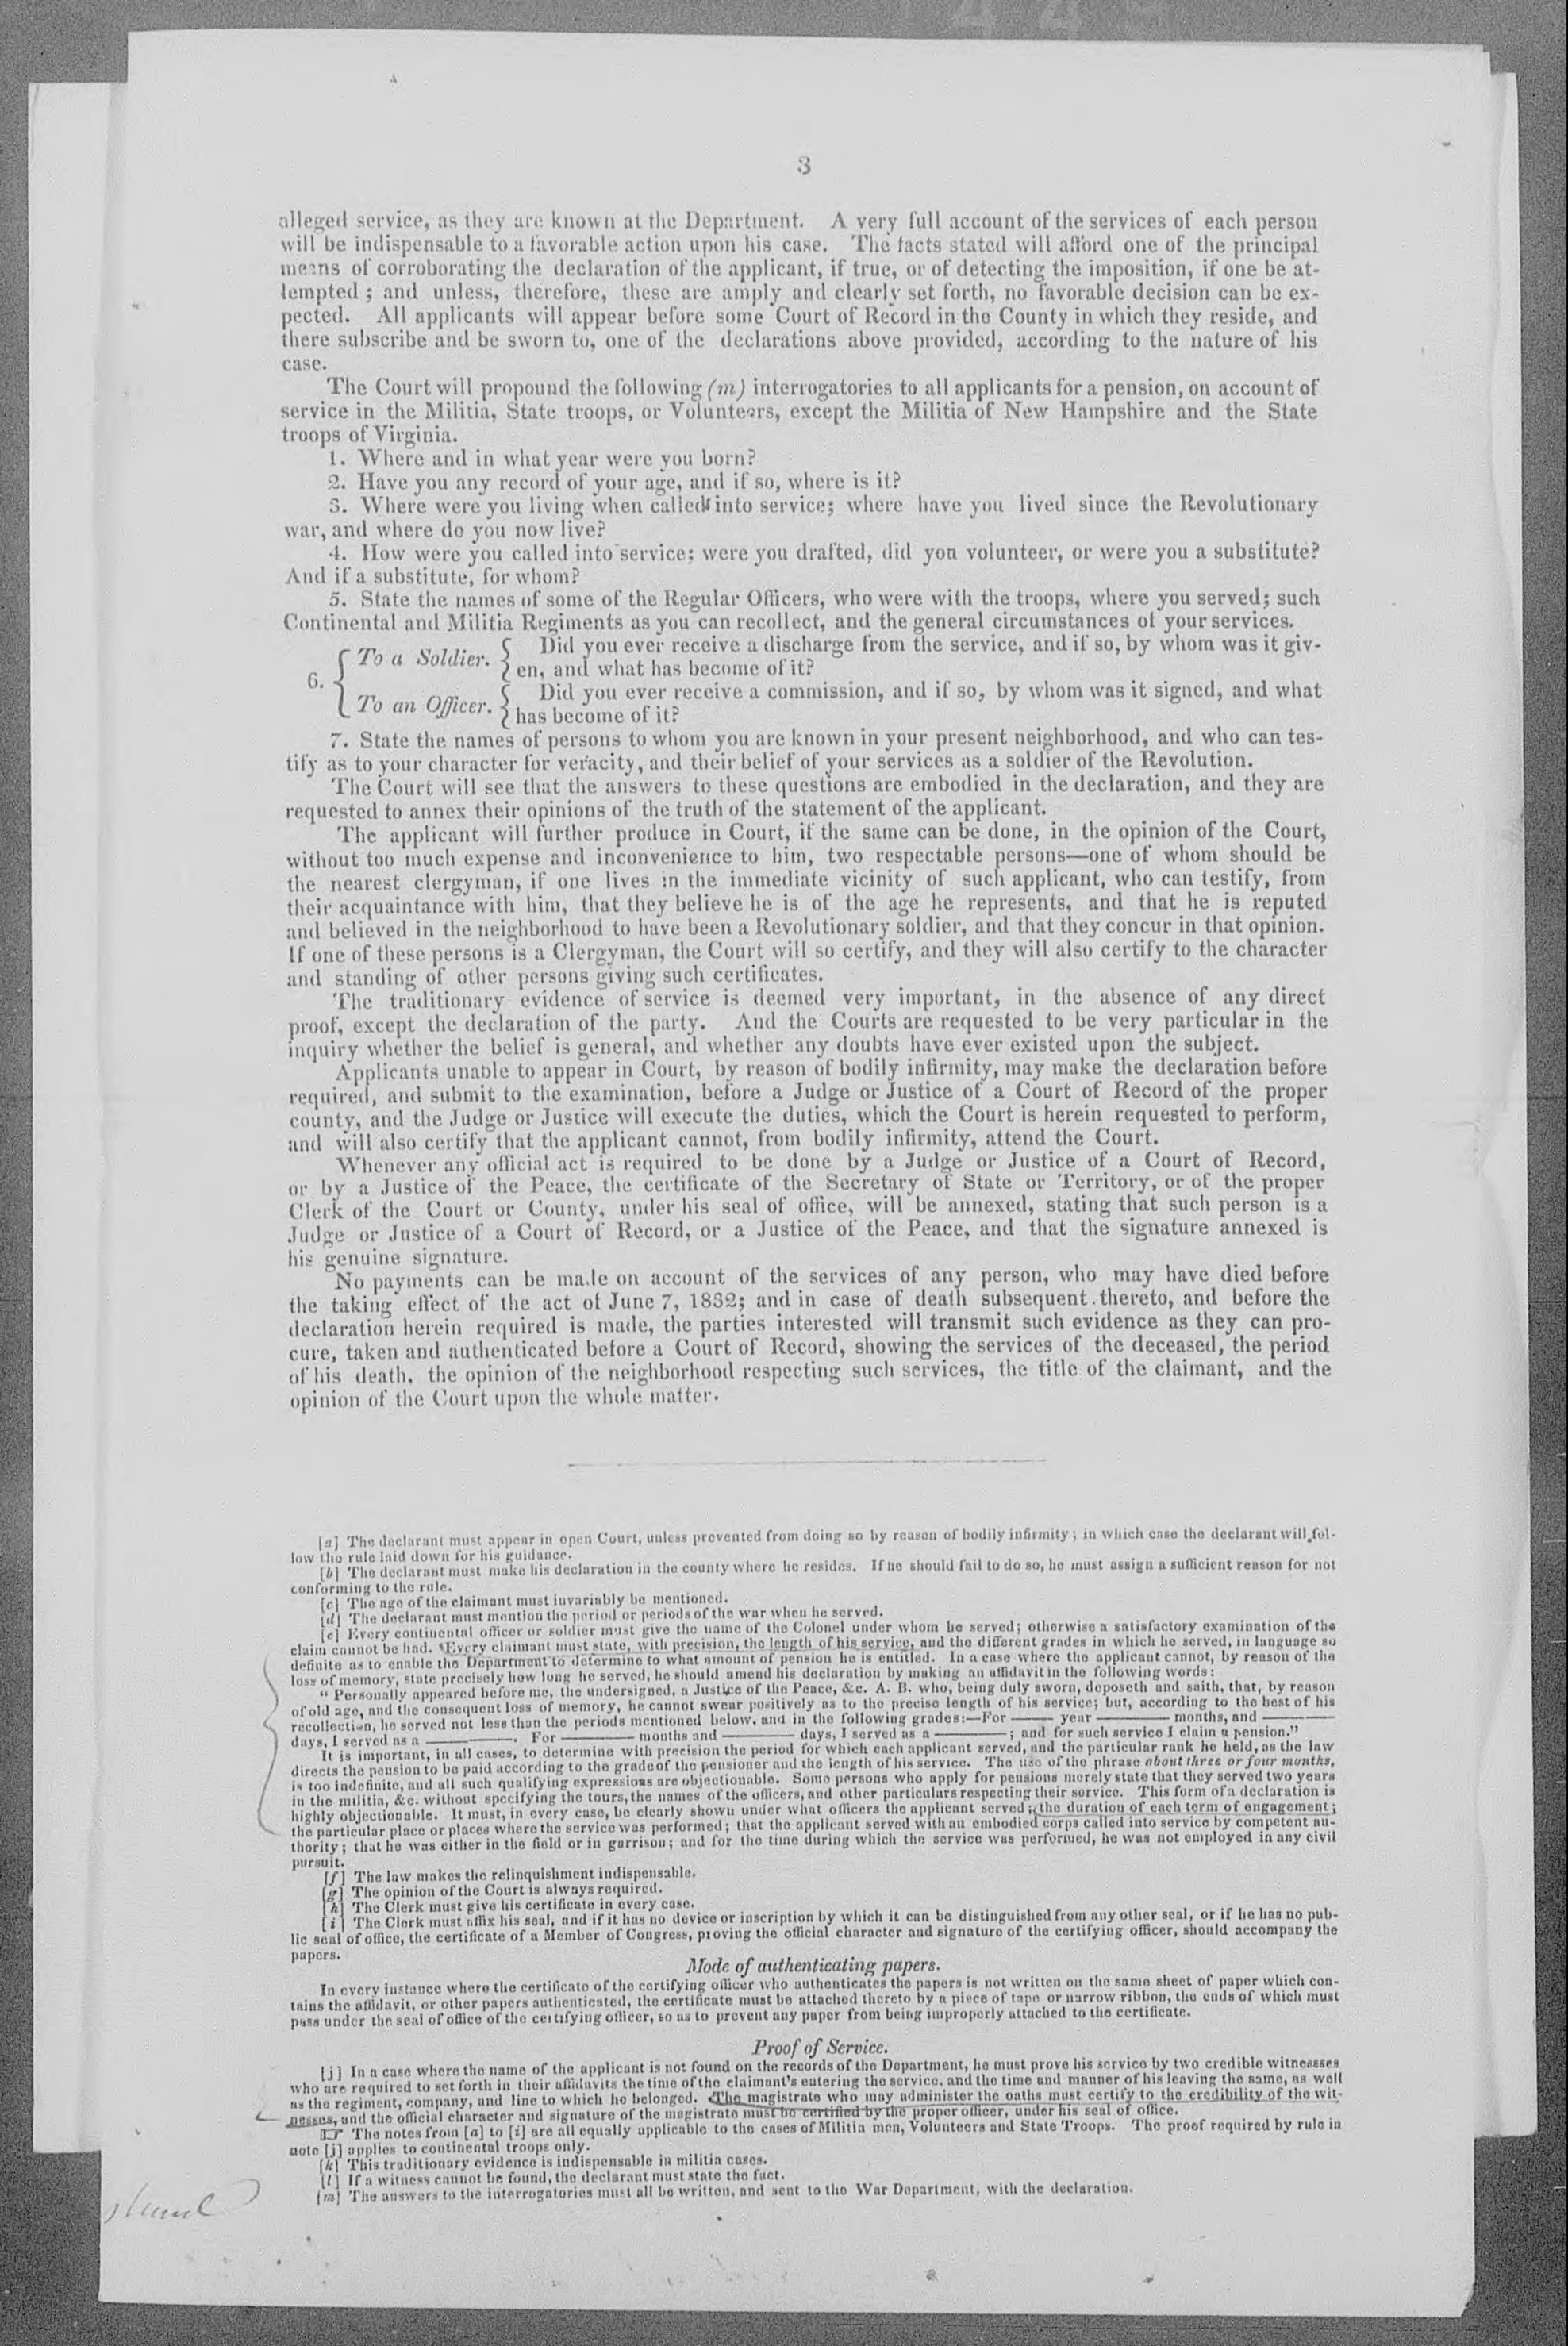3
alleged service, as they are known at the Department. A very full account of the services of each person will be indispensable to a favorable action upon his case. The facts stated will afford one of the principal means of corroborating the declaration of the applicant, if true, or of detecting the imposition, if one be attempted; and unless, therefore, these are amply and clearly set forth, no favorable decision can be expected. All applicants will appear before some Court of Record in the County in which they reside, and there subscribe and be sworn to, one of the declarations above provided, according to the nature of his case.
The Court will propound the following (m) interrogatories to all applicants for a pension, on account of service in the Militia, State troops, or Volunteers, except the Militia of New Hampshire and the State troops of Virginia.
1. Where and in what year were you born?
2. Have you any record of your age, and if so, where is it?
3. Where were you living when called into service; where have you lived since the Revolutionary War, and where do you now live?
4. How were you called into service; were you drafted, did you volunteer, or were you a substitute? And if a substitute, for whom?
5. State the names of some of the Regular Officers, who were with the troops, where you served; such Continental and Militia Regiments as you can recollect, and the general circumstances of your services.
6. {To a Soldier. {Did you ever receive a discharge from the service, and if so, by whom was it given, and what has become of it?
To an Officer. {Did you ever receive a commission, and if so, by whom was it signed, and what has become of it?
7. State the names of persons to whom you are known in your present neighborhood, and who can testify as to your character for veracity, and their belief of your services as a soldier of the Revolution.
The Court will see that the answers to these questions are embodied in the declaration, and they are requested to annex their opinions of the truth of the statement of the applicant.
The applicant will further produce in Court, if the same can be done, in the opinion of the Court, without too much expense and inconvenience to him, two respectable persons-one of whom should be the nearest clergyman, if one lives in the immediate vicinity of such applicant, who can testify, from their acquaintance with him, that they believe he is of the age he represents, and that he is reputed and believed in the neighborhood to have been a Revolutionary soldier, and that they concur in that opinion. If one of these persons is a Clergyman, the Court will so certify, and they will also certify to the character and standing of other persons giving such certificates.
The traditionary evidence of service is deemed very important, in the absence of any direct proof, except the declaration of the party. And the Courts are requested to be very particular in the inquiry whether the belief is general, and whether any doubts have ever existed upon the subject.
Applicants unable to appear in Court, by reason of bodily infirmity, may take the declaration before required, and submit to the examination, before a Judge or Justice of a Court of Record of the proper county, and the Judge or Justice will execute the duties, which the Court is herein requested to perform, and will also certify that the applicant cannot, from bodily infirmity, attend the Court.
Whenever any official act is required to be done by a Judge or Justice of a Court of Record, or by a Justice of Peace, the certificate of the Secretary of State or Territory, or of the proper Clerk of the Court or County, under his seal of office, will be annexed, stating that such person is a Judge or Justice of a Court of Record, or a Justice of the Peace, and that the signature annexed is his genuine signature.
No payments can be made on account of the services of any person, who may have died before the taking effect of the act of June 7, 1832; and in case of death subsequent thereto, and before the declaration herein required is made, the parties interested will transmit such evidence as they can procure, taken and authenticated before a Court of Record, showing the services of the deceased, the period of his death, the opinion of the neighborhood respecting such services, the title of the claimant, and the opinion of the Court upon the whole matter.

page: 6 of 52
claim: widow's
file: W. 18,565, Hezekiah Barker, Continental R.I.